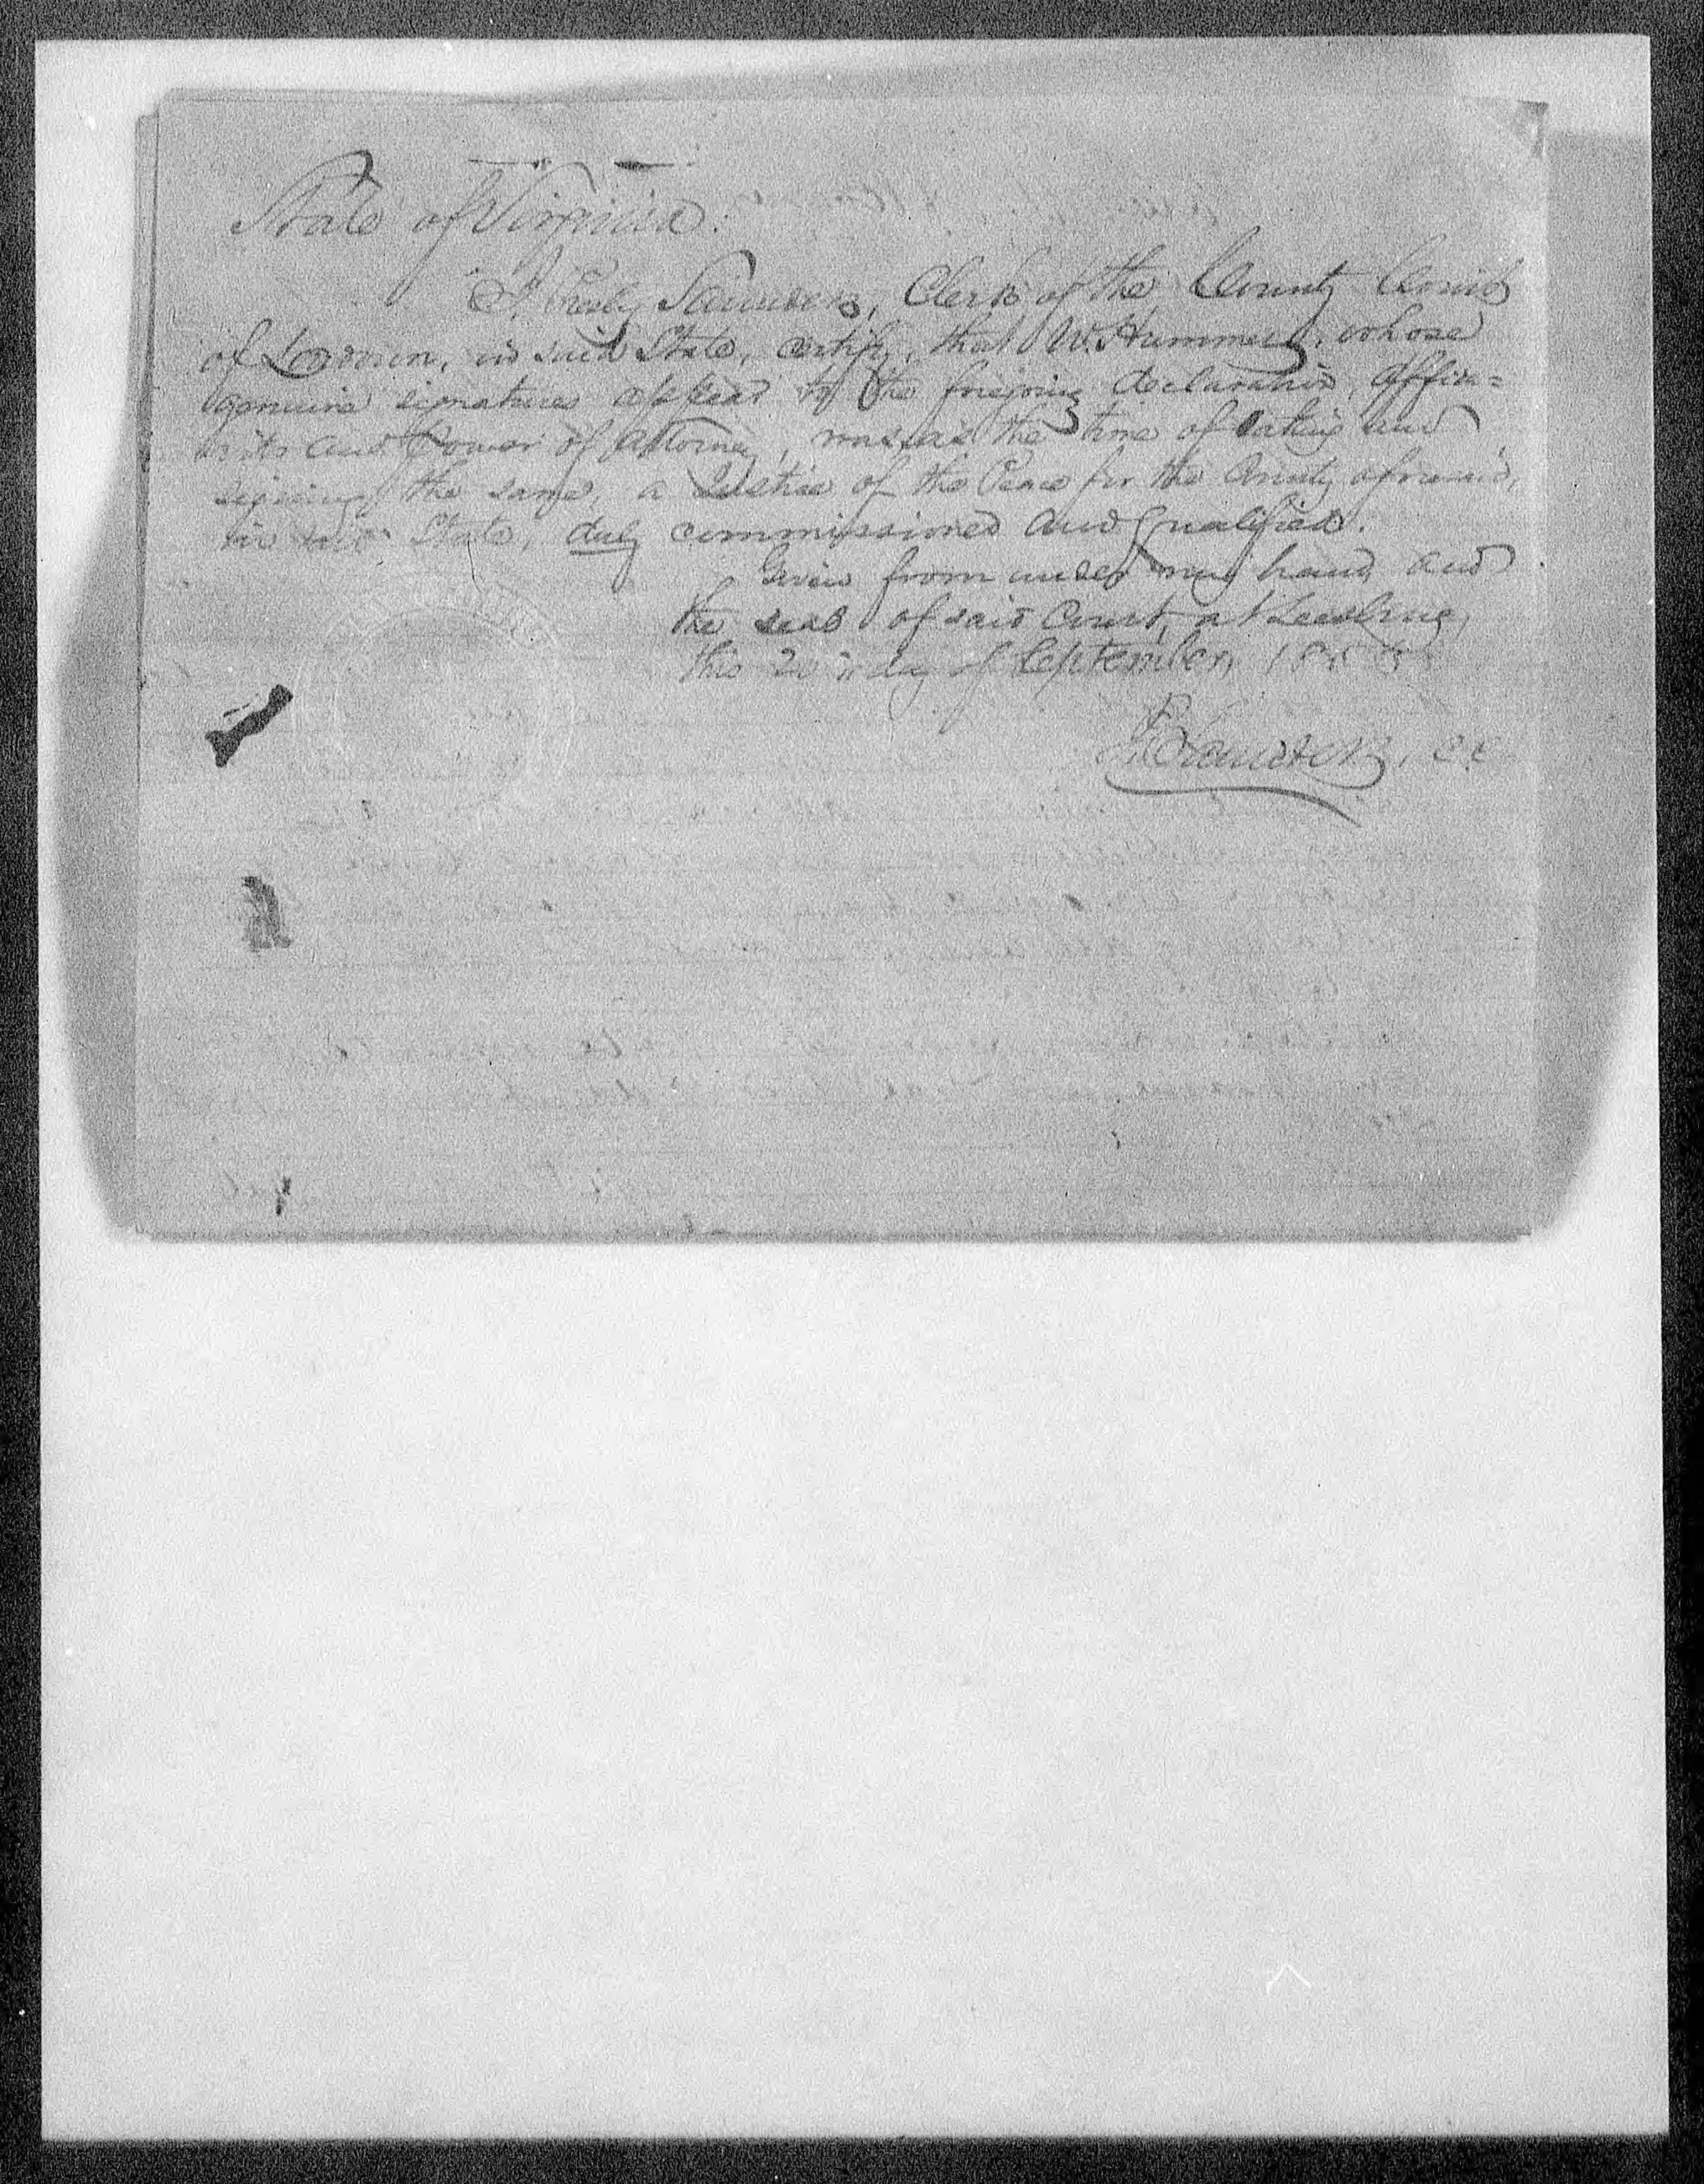State of Virginia
I Presly Saunders, Clerk of the County Court of Loudoun, in said State, certify that W. Hummer, whose genuine signatures appear in the foregoing declaration, affirm[?] [illegible] power of attorney, was at the time of taking and requiring the same, a Justice of the Peace for the county aforesaid, in said State, duly commissioned and qualified.
Given from under my hand and the seal of said Court, at Leesburg, this 2d day of September 1853
P. Saunders, C.C.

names: M Hummer; Presly Saunders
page: 14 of 39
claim: widow's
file: W 6292, for William Jones, Maryland